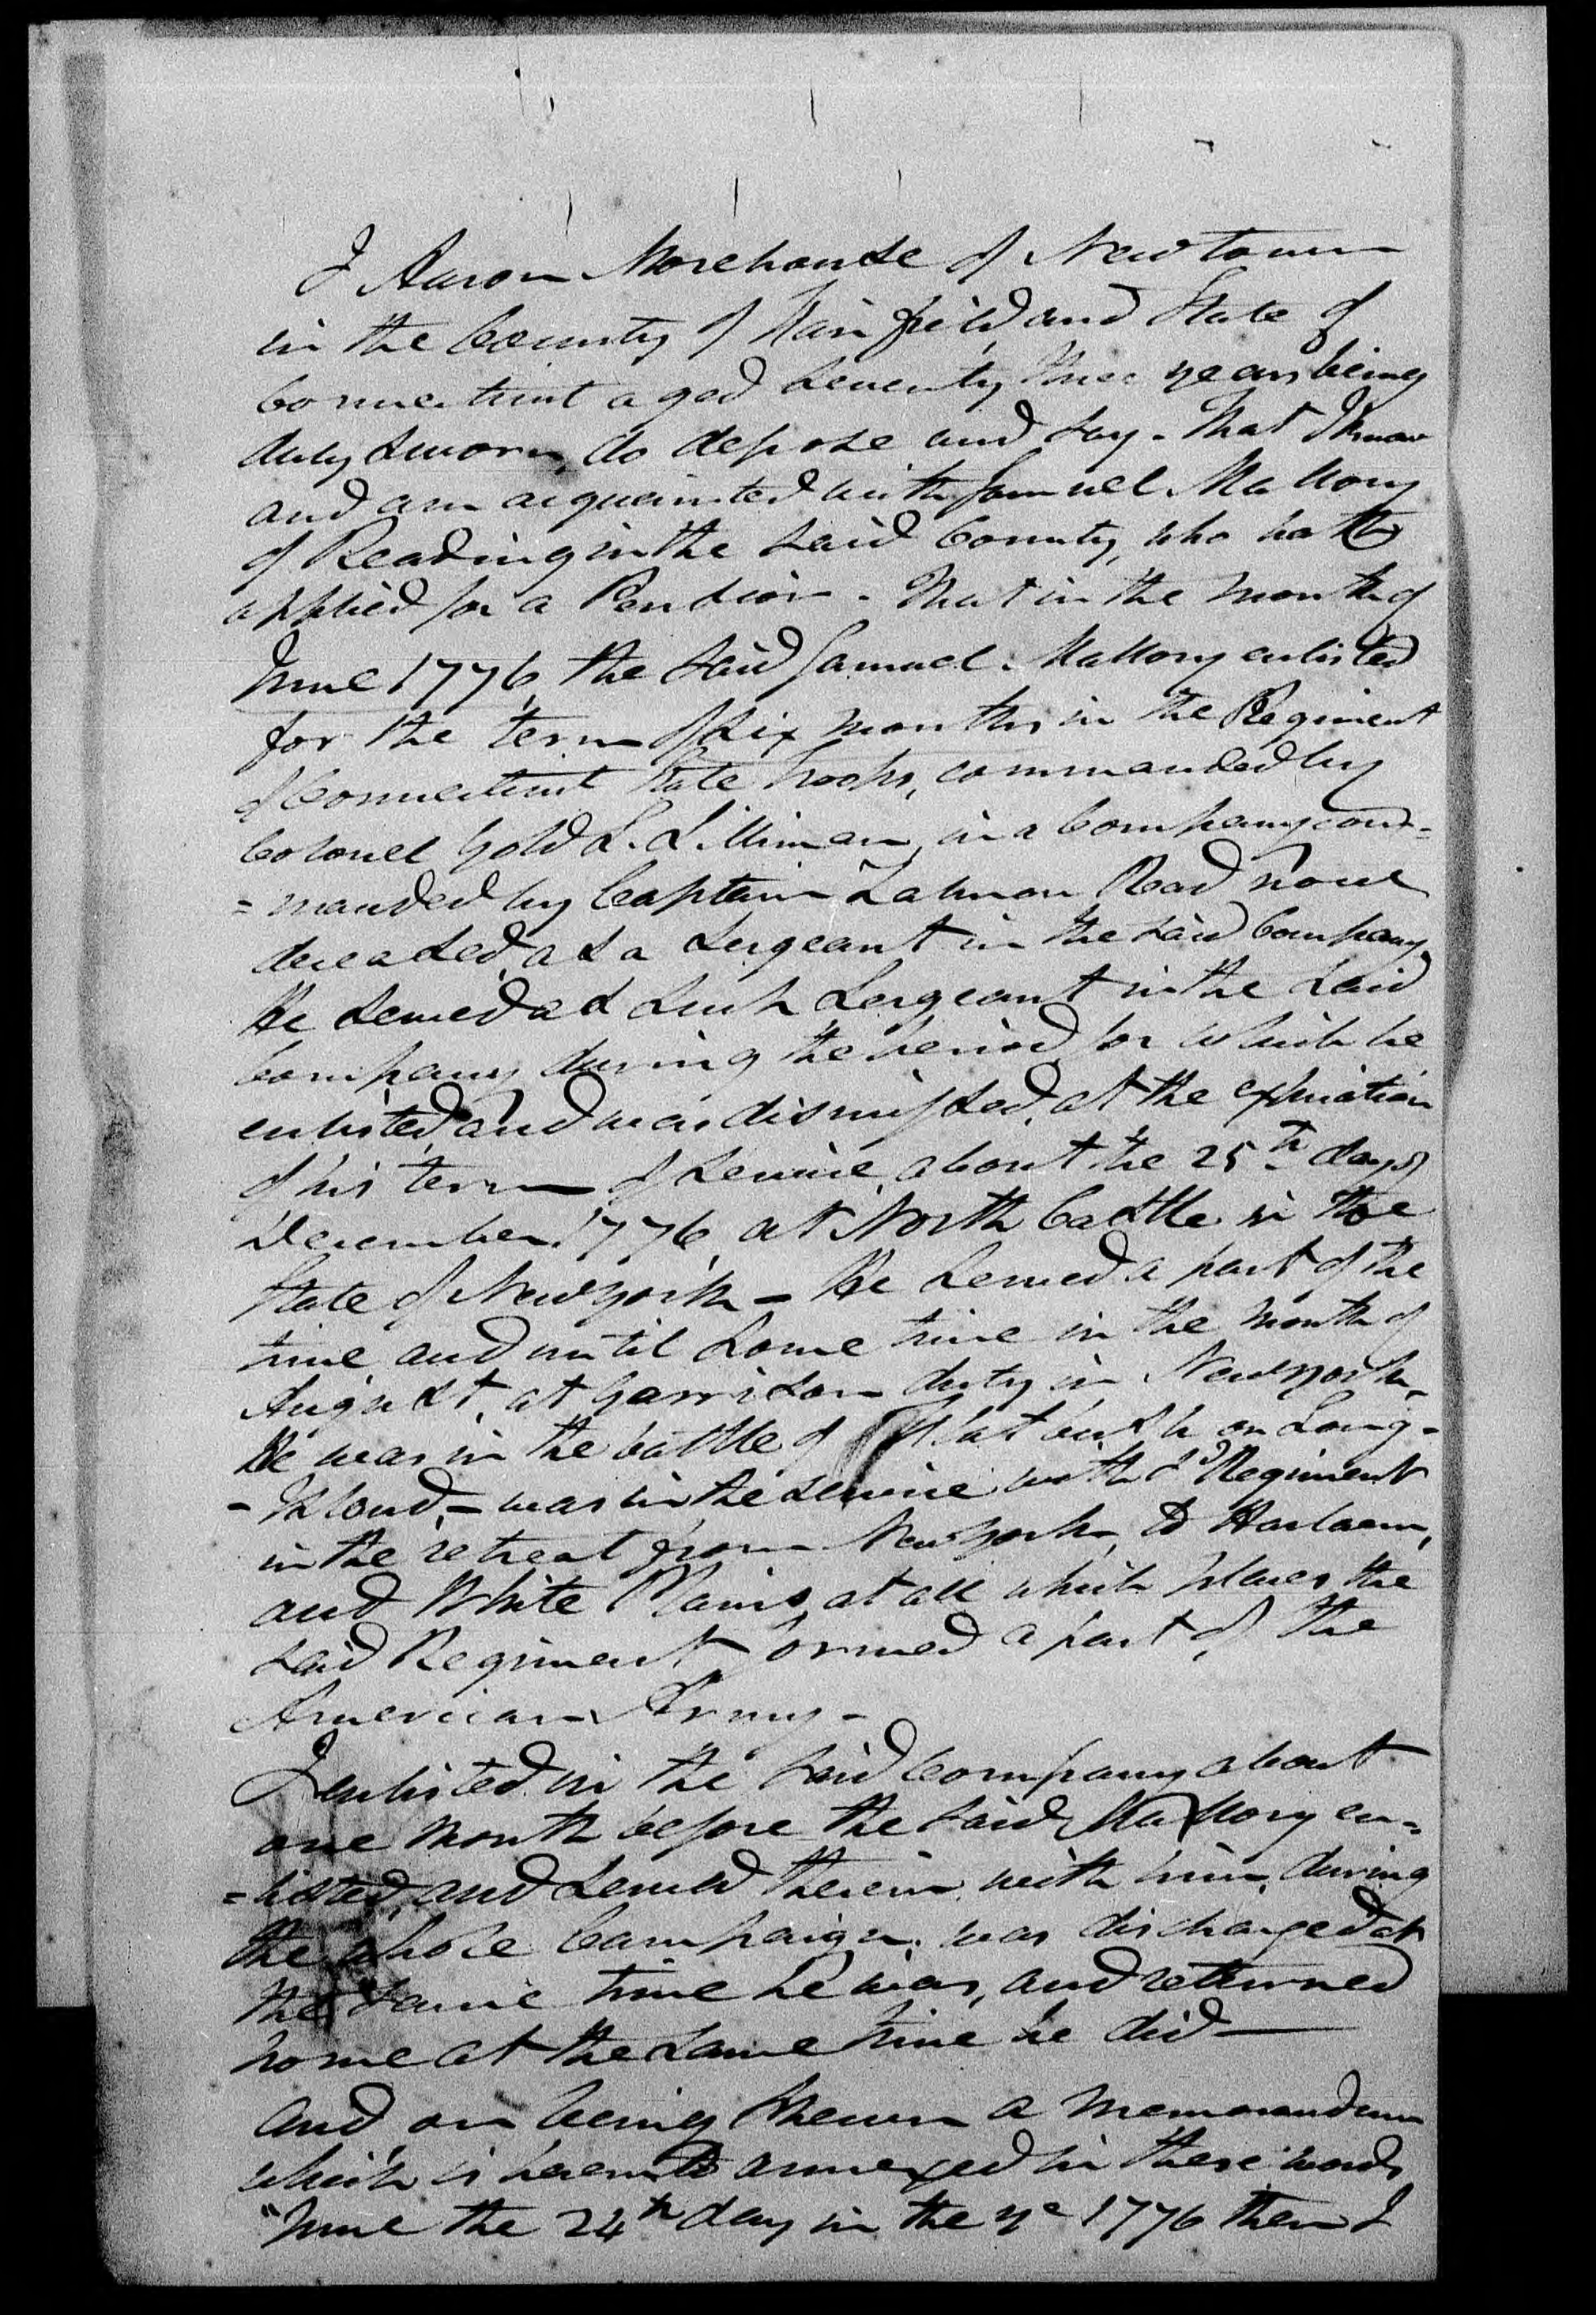I Aaron Morehouse of Newtown
in the County of Fairfield and State of
Connecticut aged Seventy three years being
duly sworn do depose and say that I know
and am acquainted with Samuel Mallory
of Reading in the said County, who hath
applied for a Pension. That in the month of
June 1776 the said Samuel Mallory enlisted
for the term of six months in the Regiment
Connecticut State Troops, commanded by
Colonel Gold S Silliman, in a Company
commanded by Captain Zalmon Read now 
deceased as a Sergeant in the said company
He served as such Sergeant in the said
Company during the period for which he
enlisted and was dismissed at the expiration
of his term of service about the 25th day
December 1776 at North Castle in the
State of New York. He served a part of the
time and until some time in the month of
August at Garrison duty in New York
He was in the battle of Flatbush on Long
land was in the service with sd Regiment
in the retreat from New York to Harlam
and White Plains at all which places the
said Regiment formed a part of the
American Army
I enlisted in the said Company about
one month before the said Mallory
enlisted and served therein with him, during
the whole Campaign was discharged at
the same time he was, and returned
home at the same time he did
and on being therein a memorandum
which is hereunto annexed in these words
June the 24th day in the yr 1776 then I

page: 26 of 29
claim: survivor's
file: S. 23,312, for Samuel Mallery, Connecticut